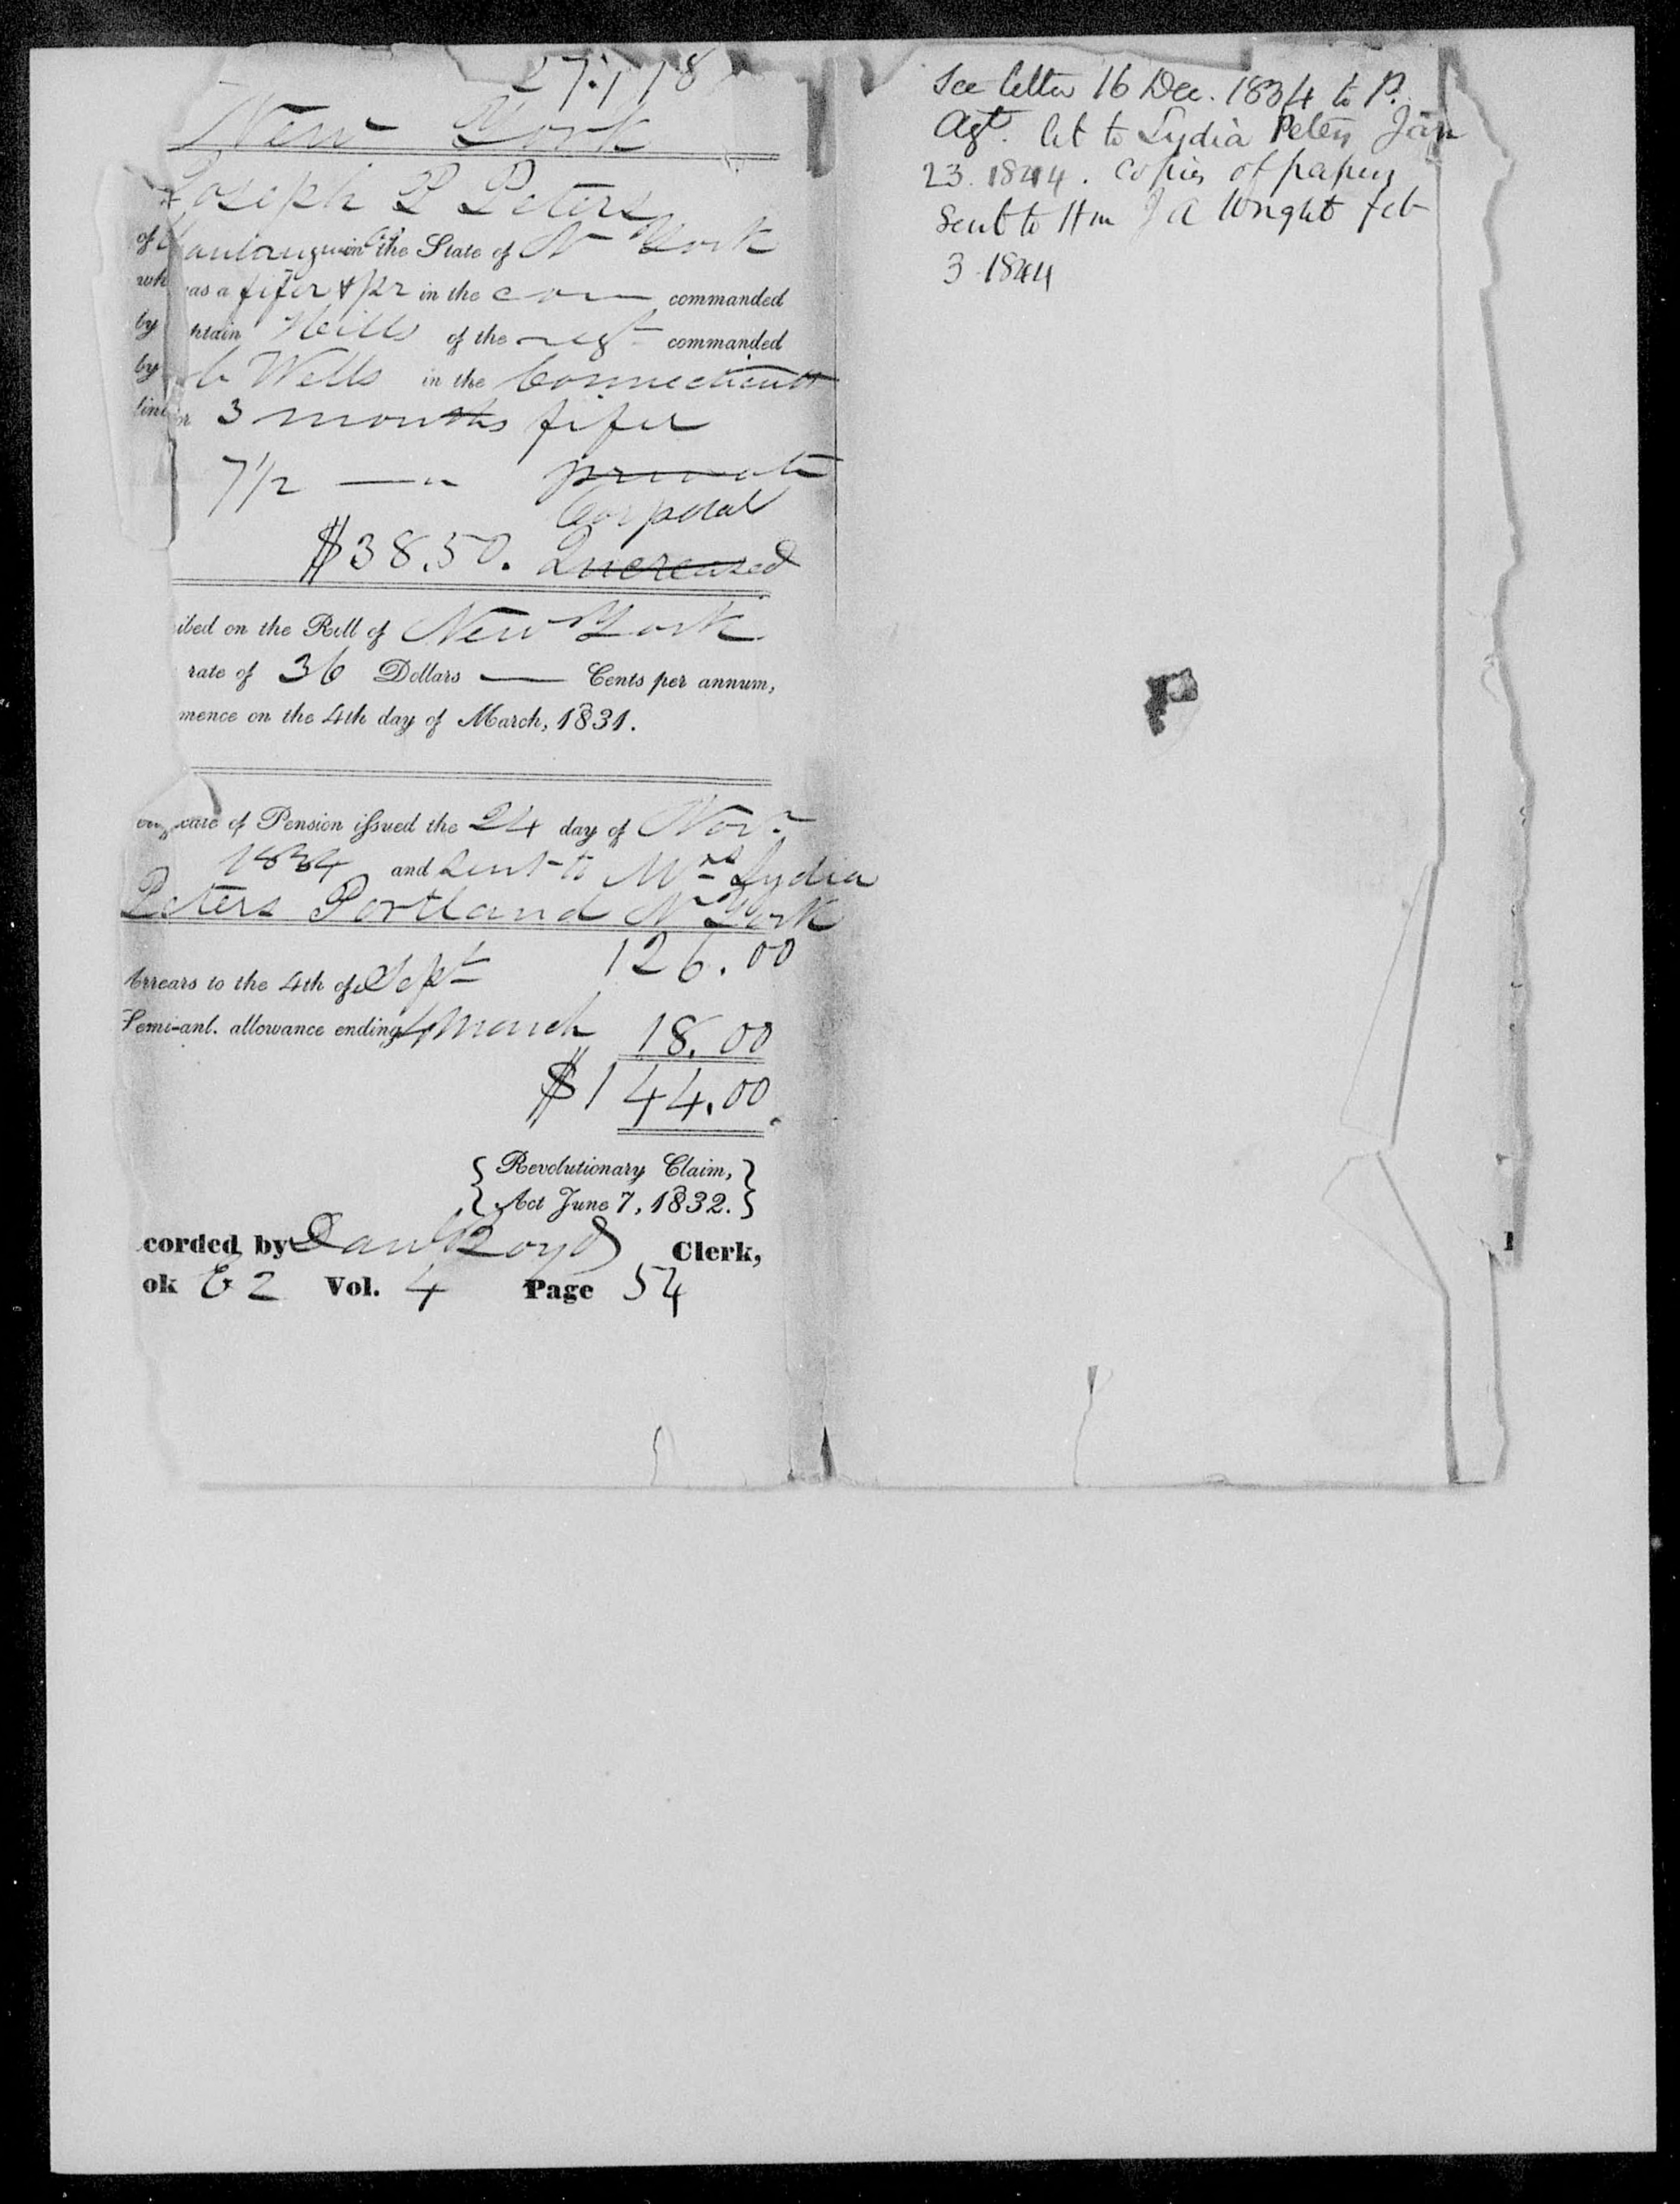27178
New York
Joseph P Peters of Chautauqua in the State of N York who was a fifer & pri in the commanded by Captain Hills of the regt commanded by Col. Wells in the Connecticut line for 
3 months fifer 
7½ months  Corporal 
$38.50. 
Inscribed on the Roll of New York rate of 36 Dollars - Cents per annum, to commence on the 4th day of March, 1831. 
Certificate of Pension issued the 24 day of Nov 1834 and sent to Mrs Lydia Peters Portland N. York 
Arrears to the 4th of Sept 126.00 
Semi-anl. allowance ending March 4  18.00 
$144.00  
{Revolutionary Claim, Act June 7, 1832.} 
Recorded by Danl Boyd Clerk, 
Book E 2 Vol. 4 Page 54 
See letter 16 Dec 1834 to P. Agt [pension agent] let to Lydia Peters Jan 23. 1844. Copies of papers sent to Hon J. A. Wright Feb 3 1844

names: Danl Boyd; Lydia Peters; [BLANK] Wells; [BLANK] Hills; Joseph P Peters; J A Wright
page: 2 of 73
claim: widow's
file: W. 2338, for Joseph P Peters, Connecticut